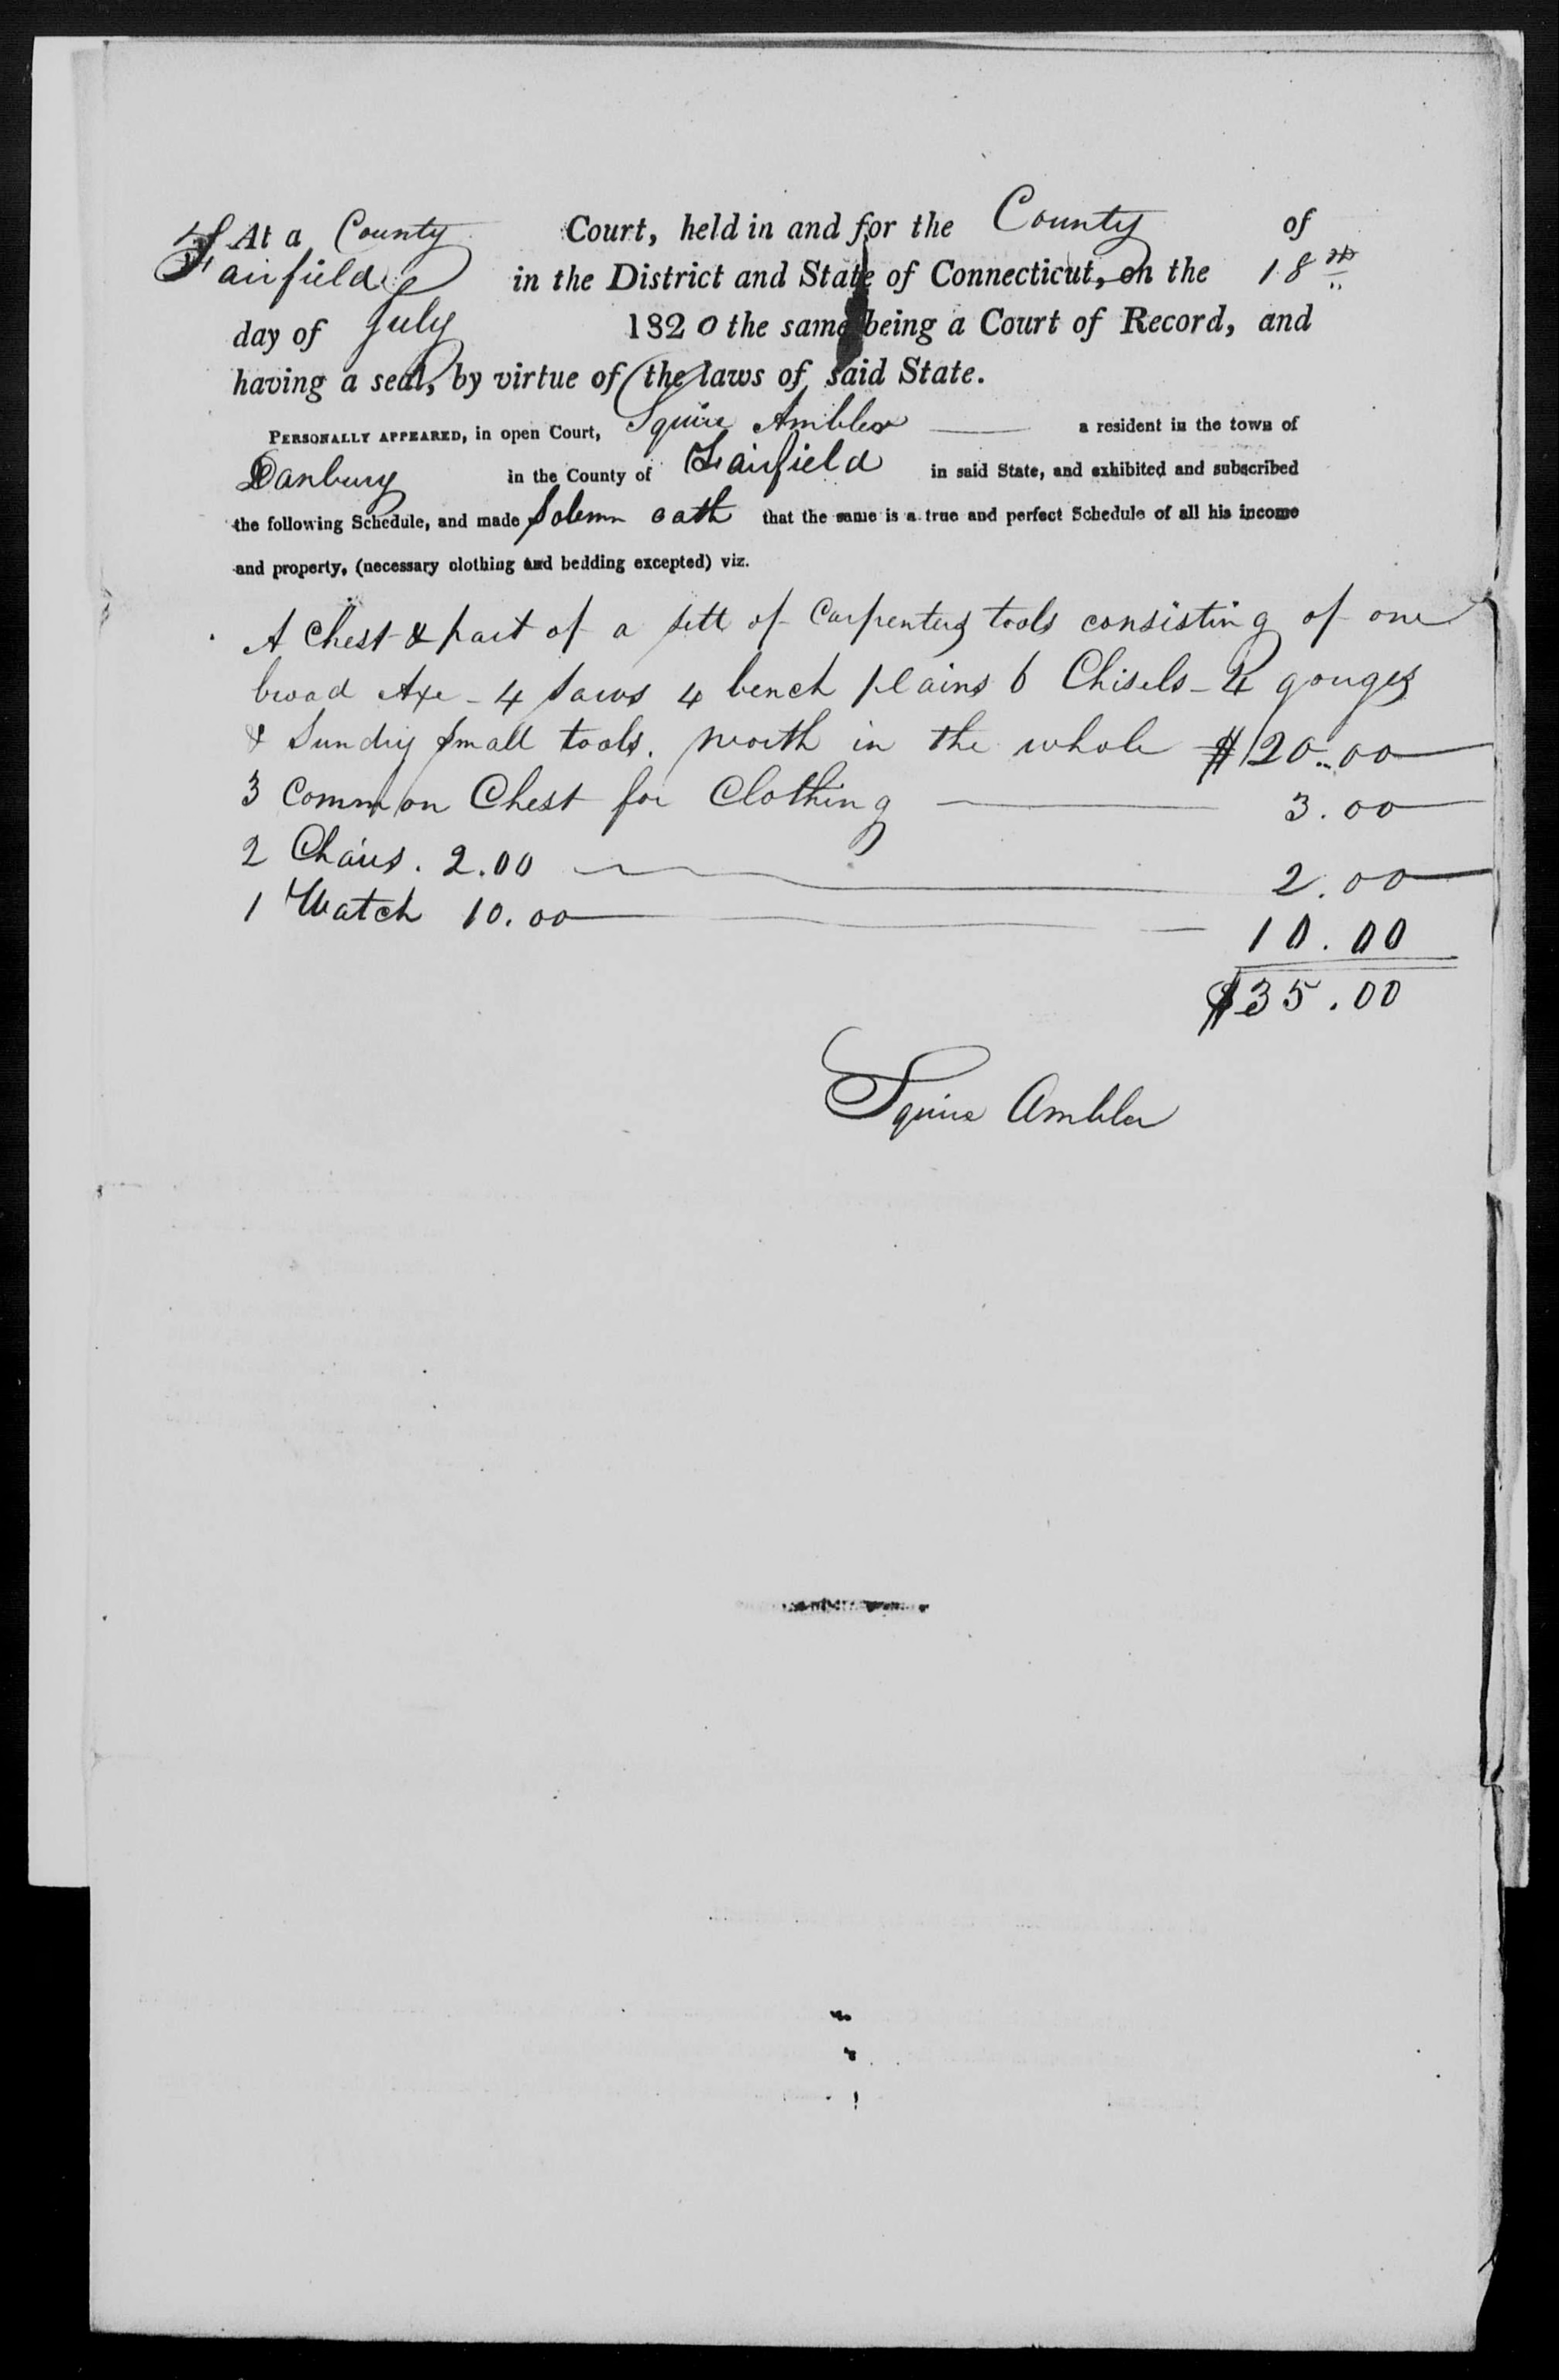At a County Court, held in the County of Fairfield in the District and State of Connecticut, on the 18th day of Jul 1820 the same being a Court of Record, and having a seal, by virtue of the laws of said State.
Personally appeared, in open Court, Squire Ambler a resident in the town of Danbury in the County of Fairfield in said State, and exhibited and subscribed the following Schedule, and made solemn oath that the same is a true and perfect Schedule of all his income and property, (necessary clothing and bedding excepted) viz.
A chest and part of a sett of carpentry tools consisting of one broad axe - 4 saws 4 bench plains 6 chisels 4 gouges and sundry small tools. Worth in the whole $120.00
3 Common Chest for Clothing - 3.00
2 Chairs. 2.00 - 2.00
1 Watch 10.00 - 10.00
$35.00
Squire Ambler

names: Squire Ambler, Squire Ambler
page: 7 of 39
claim: widow's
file: W. 2,056, Squire Ambler, Continental (Sol. Res. In N.Y. & Conn.)